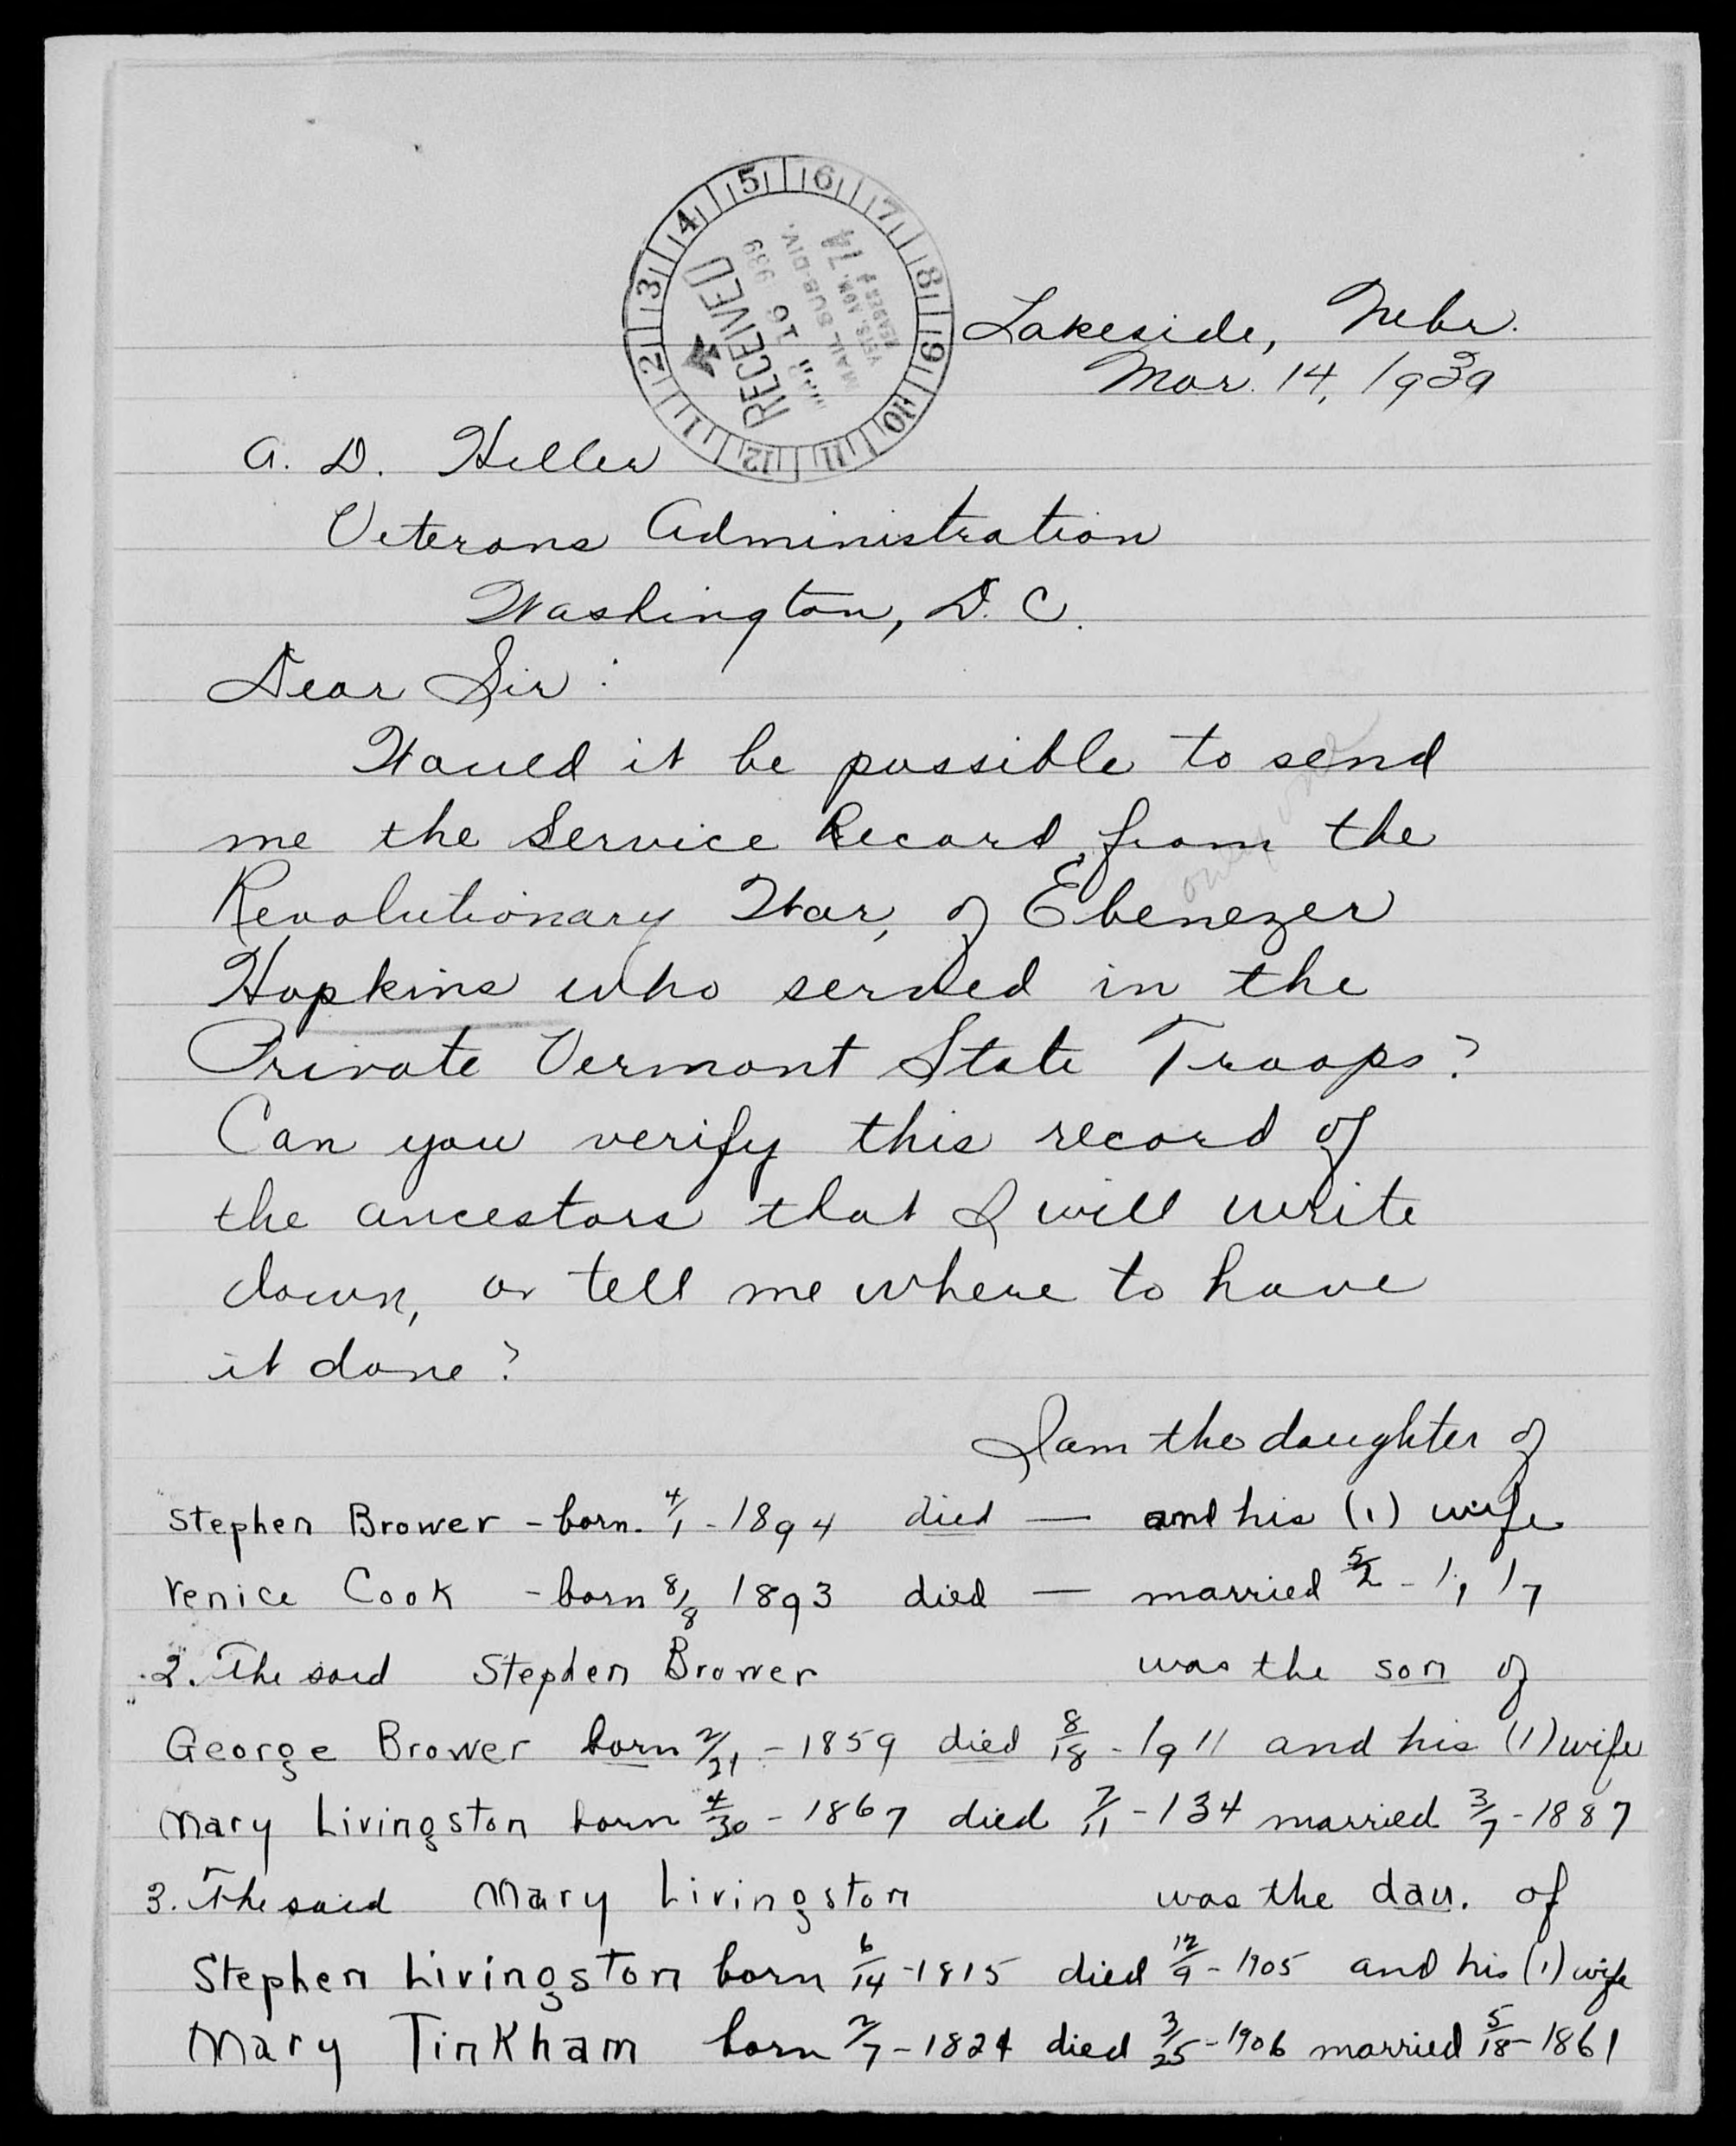Lakeside, Nebr. 
Mar 14, 1939

G. D. Heller
Veterans Administration 
Washington, D. C. 

Dear Sir:
Would it be possible to send me the Service Record from the Revolutionary War, of Ebenezer Hopkins who served in the Private Vermont State Troops?
Can you verify this record of the ancestors that I will write down, or tell me where to have it done?

I am the daughter of Stephen Brower - born 4/1 - 1894 died - and his (1) wife
Venice Book - born 8/8 1893 died - married 5/2 1917
2. The said Stephen Brower was the son of George Brower born 2/29 - 1859 died 8/18 - 1911 and his (1) wife Mary Livingston born 4/30 - 1867 died 7/11 134 married 3/7 - 1887
3. The said Mary Livingston was the dau. of Stephen Livingston born 6/14 - 1815 died 12/9 - 1905 and his (1) wife Mary Tinkham born 2/7 - 1824 died 3/25 - 1906 married 5/18 - 1861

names: Stephen Brower, Stephen Livingston, Venice Cook, A D Hiller, Ebenezer Hopkins, Mary Livingston, George Brower, Mary Tinkham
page: 140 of 144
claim: rejected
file: R. 5208, Dennis Hopkins, N.C.